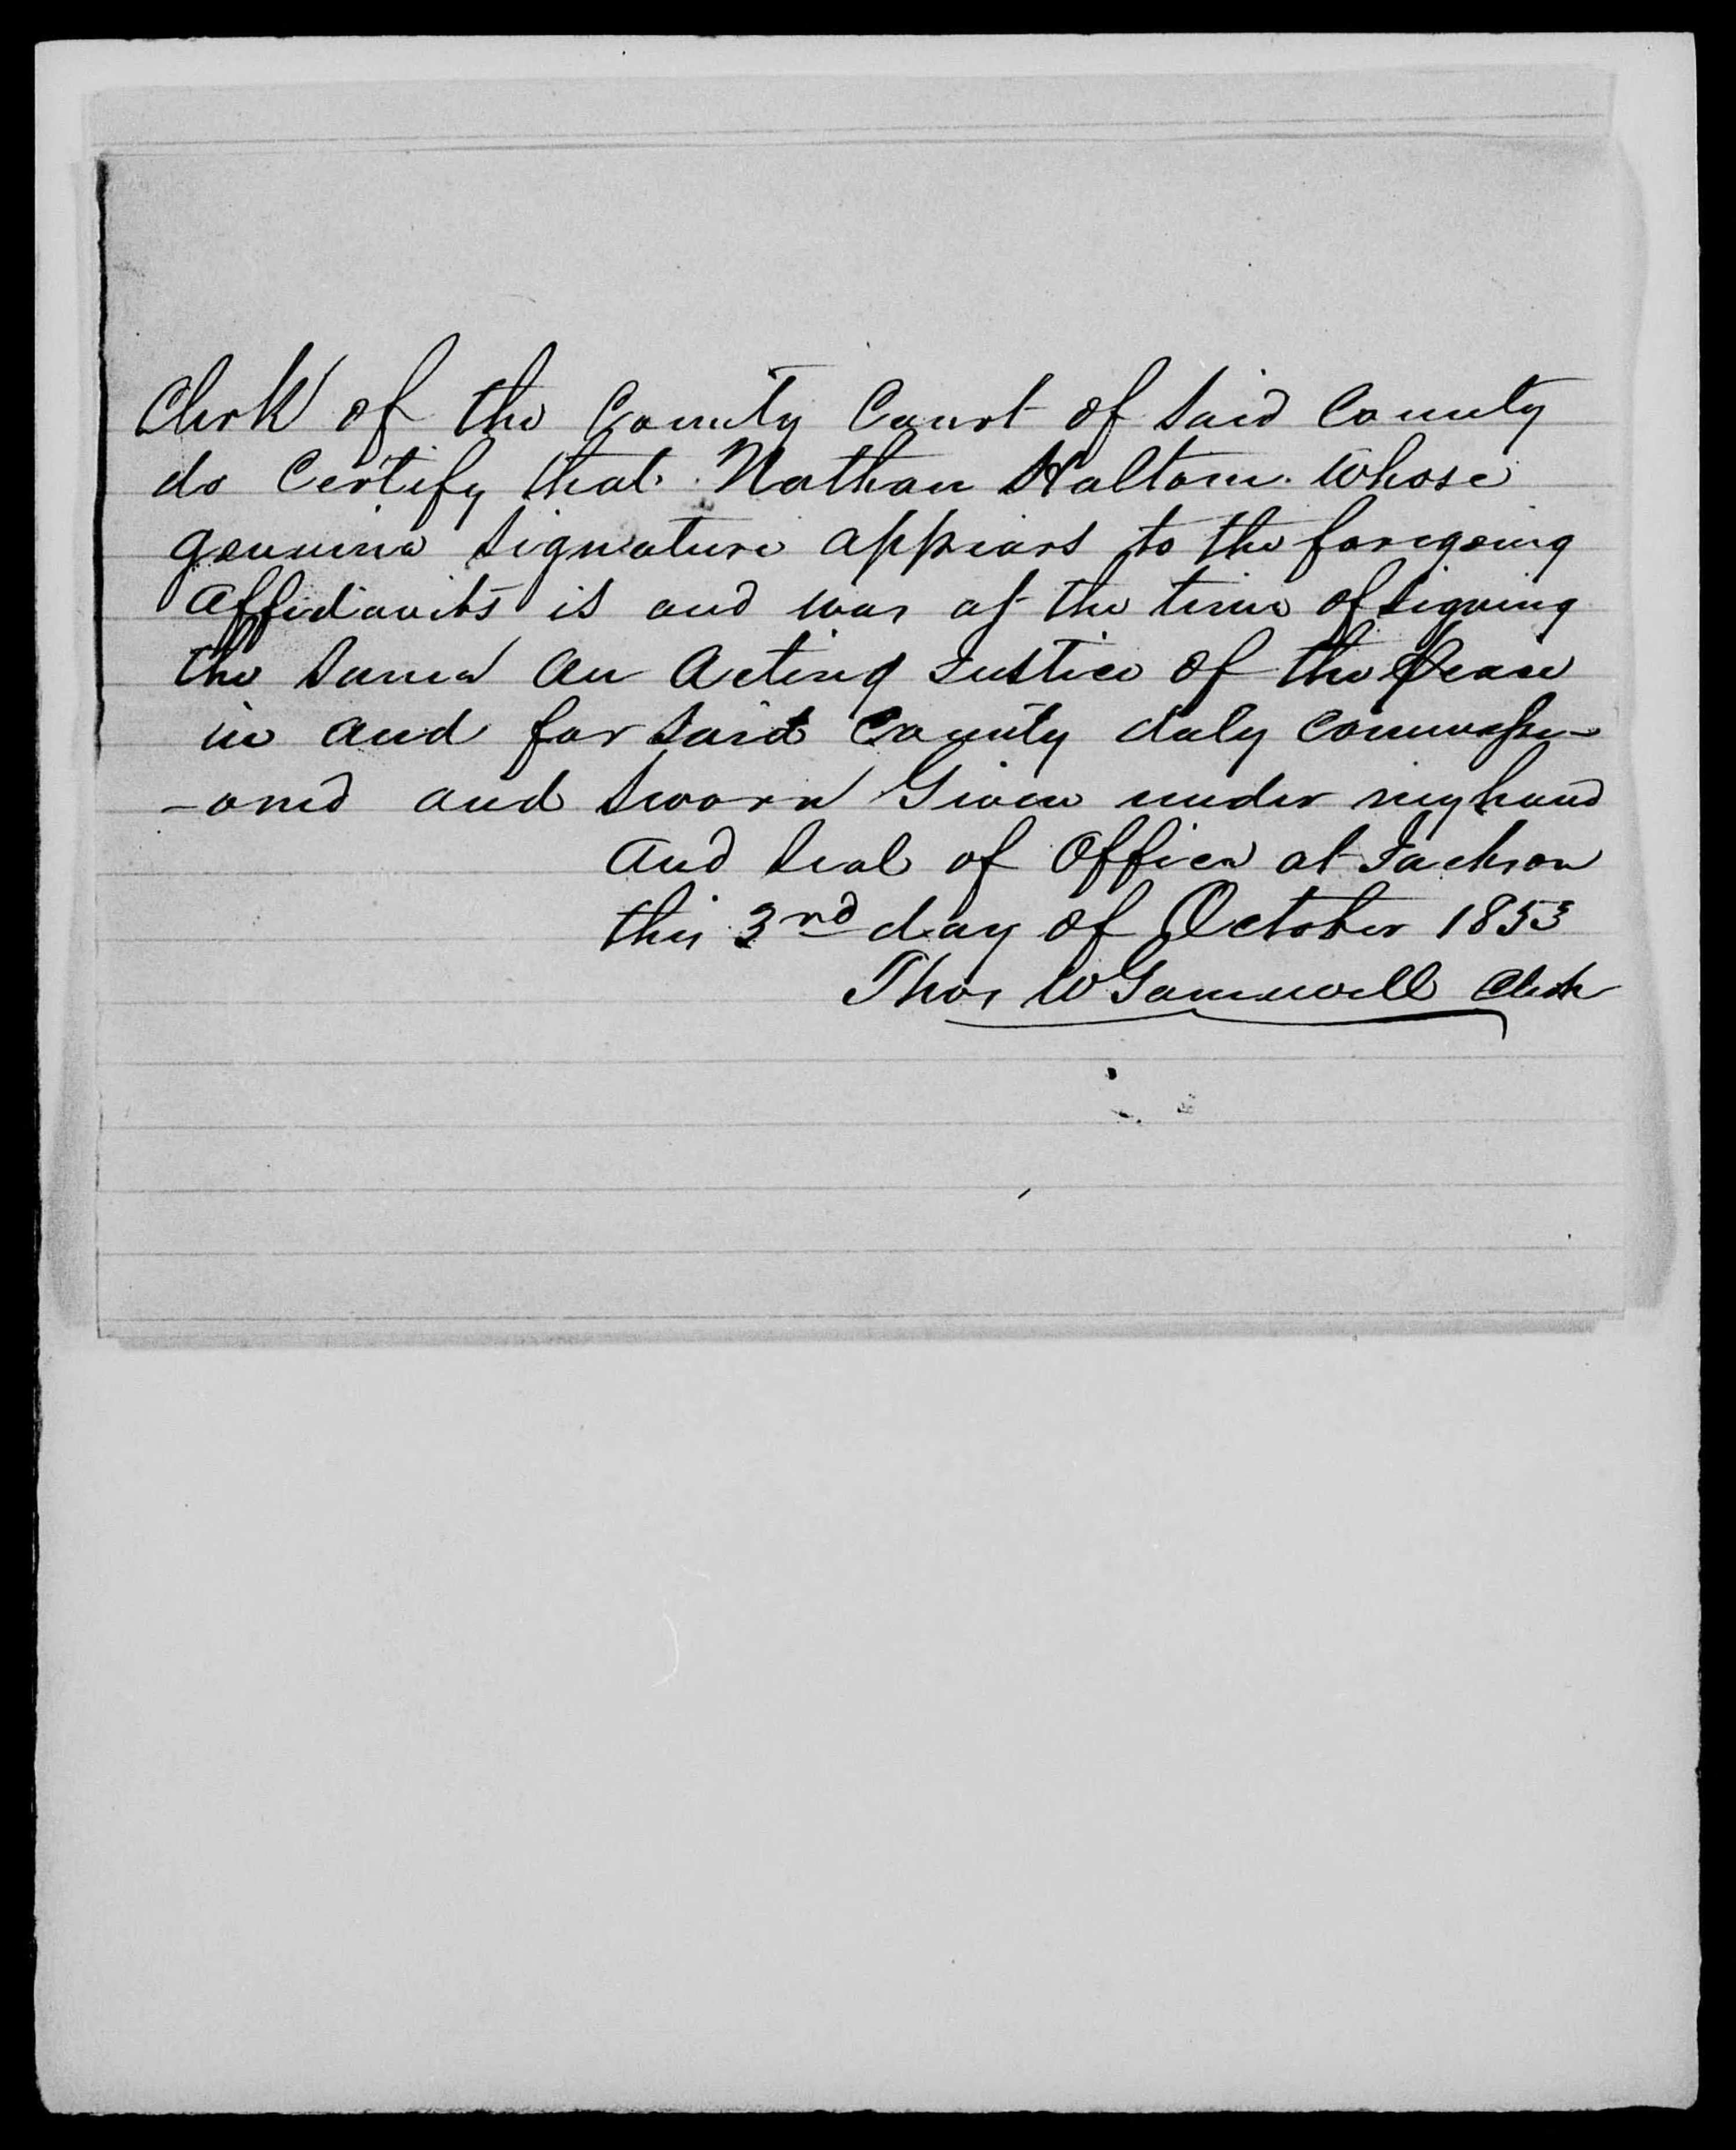Clerk of this County Agent of said County do Certify that Nathan Haltom, whose genuine Signature appears to the foregoing Affidavits is and was at the time of signing the [?] an acting Justice of the Peace in and for said County duly commissioned and sworn. Given under my hand and seal of Office at Jackson this 3rd day of October 1853.
[signed] Thomas W Gamewell Clerk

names: Nathan Haltom, Thos W Gamewell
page: 6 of 7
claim: rejected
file: R. 5325, Joseph Hudson, Va.